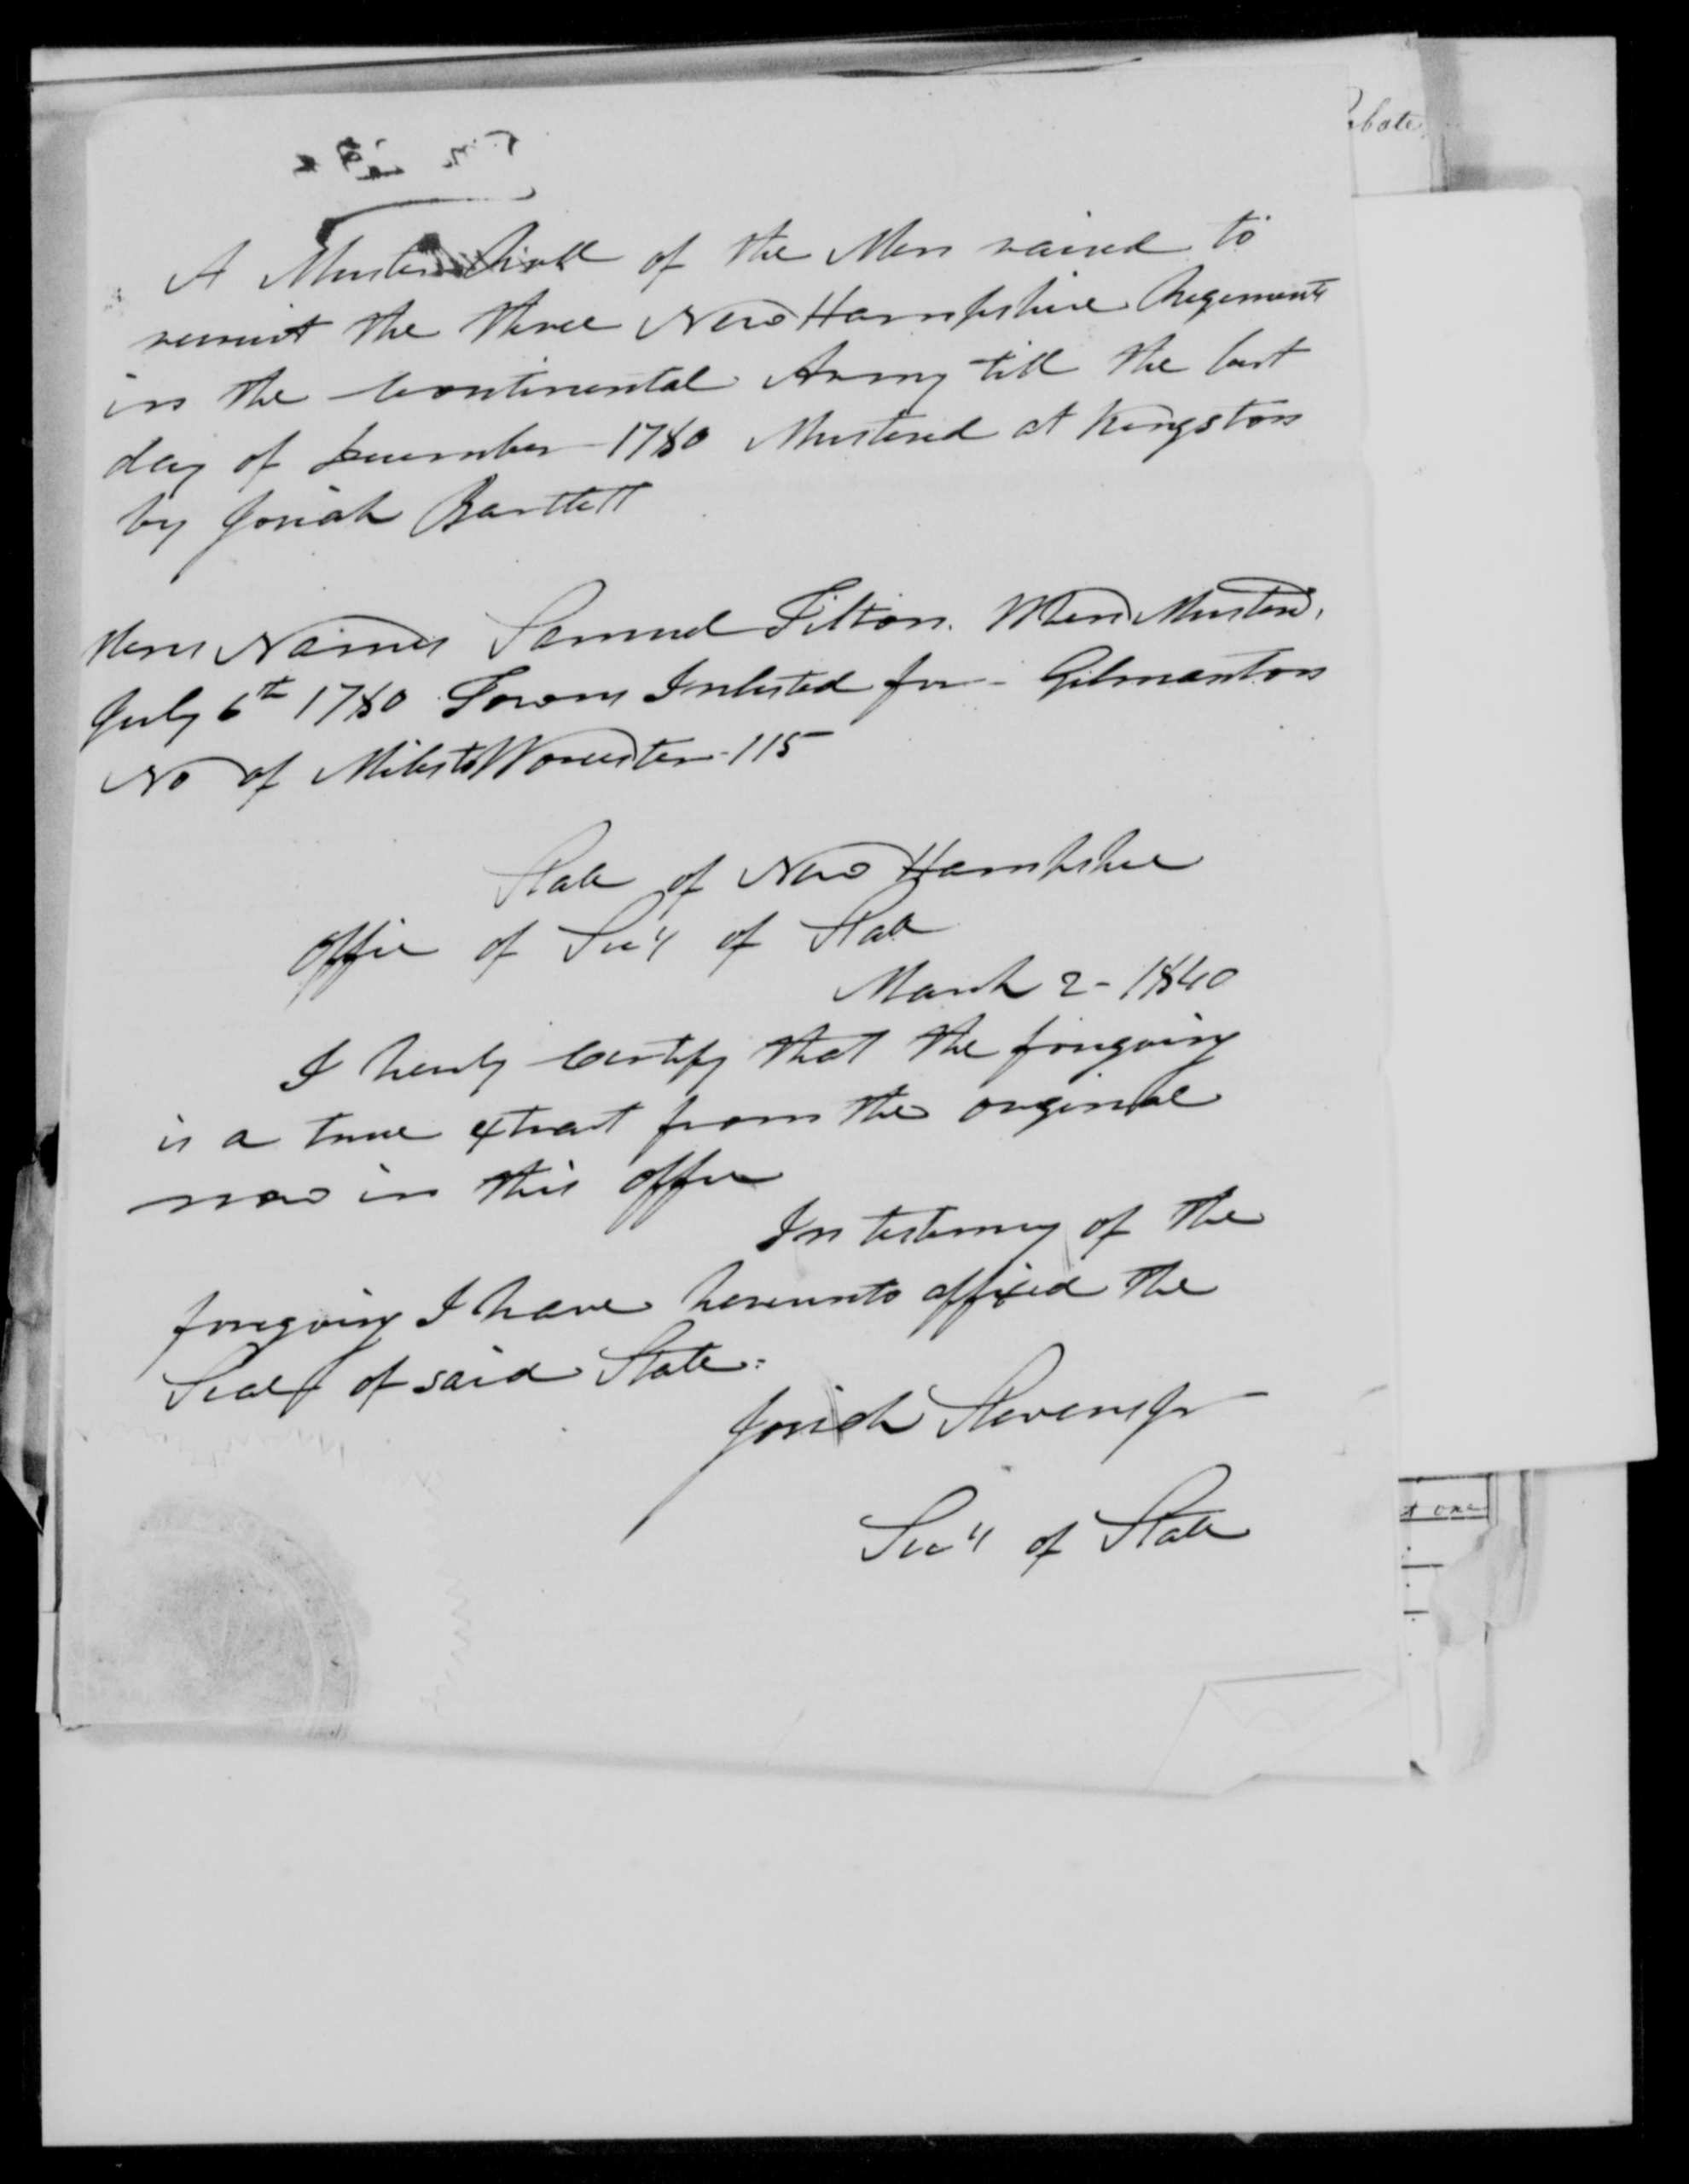A Muster Roll of the Men raised to recruit the three New Hampshire Regiments in the Continental Army till the last day of December 1780 Mustered at Kingston by Josiah Bartlett

Mens Names Samuel Tilton Men Mustered,
July 6th 1780 Towns Inlisted for Gilmanton
No of Miles to Worcester 115

State of New Hampshire
Office of Secy [Secretary] of State
March 2. 1840
I hereby certify that the foregoing is a true extract from the original now in this office
In testimony of the foregoing I have hereunto affixed the Seal of said State
Josiah Stevens Jr
Secy of State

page: 6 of 55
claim: widow's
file: W. 14,021, for Samuel Tilton, New Hampshire